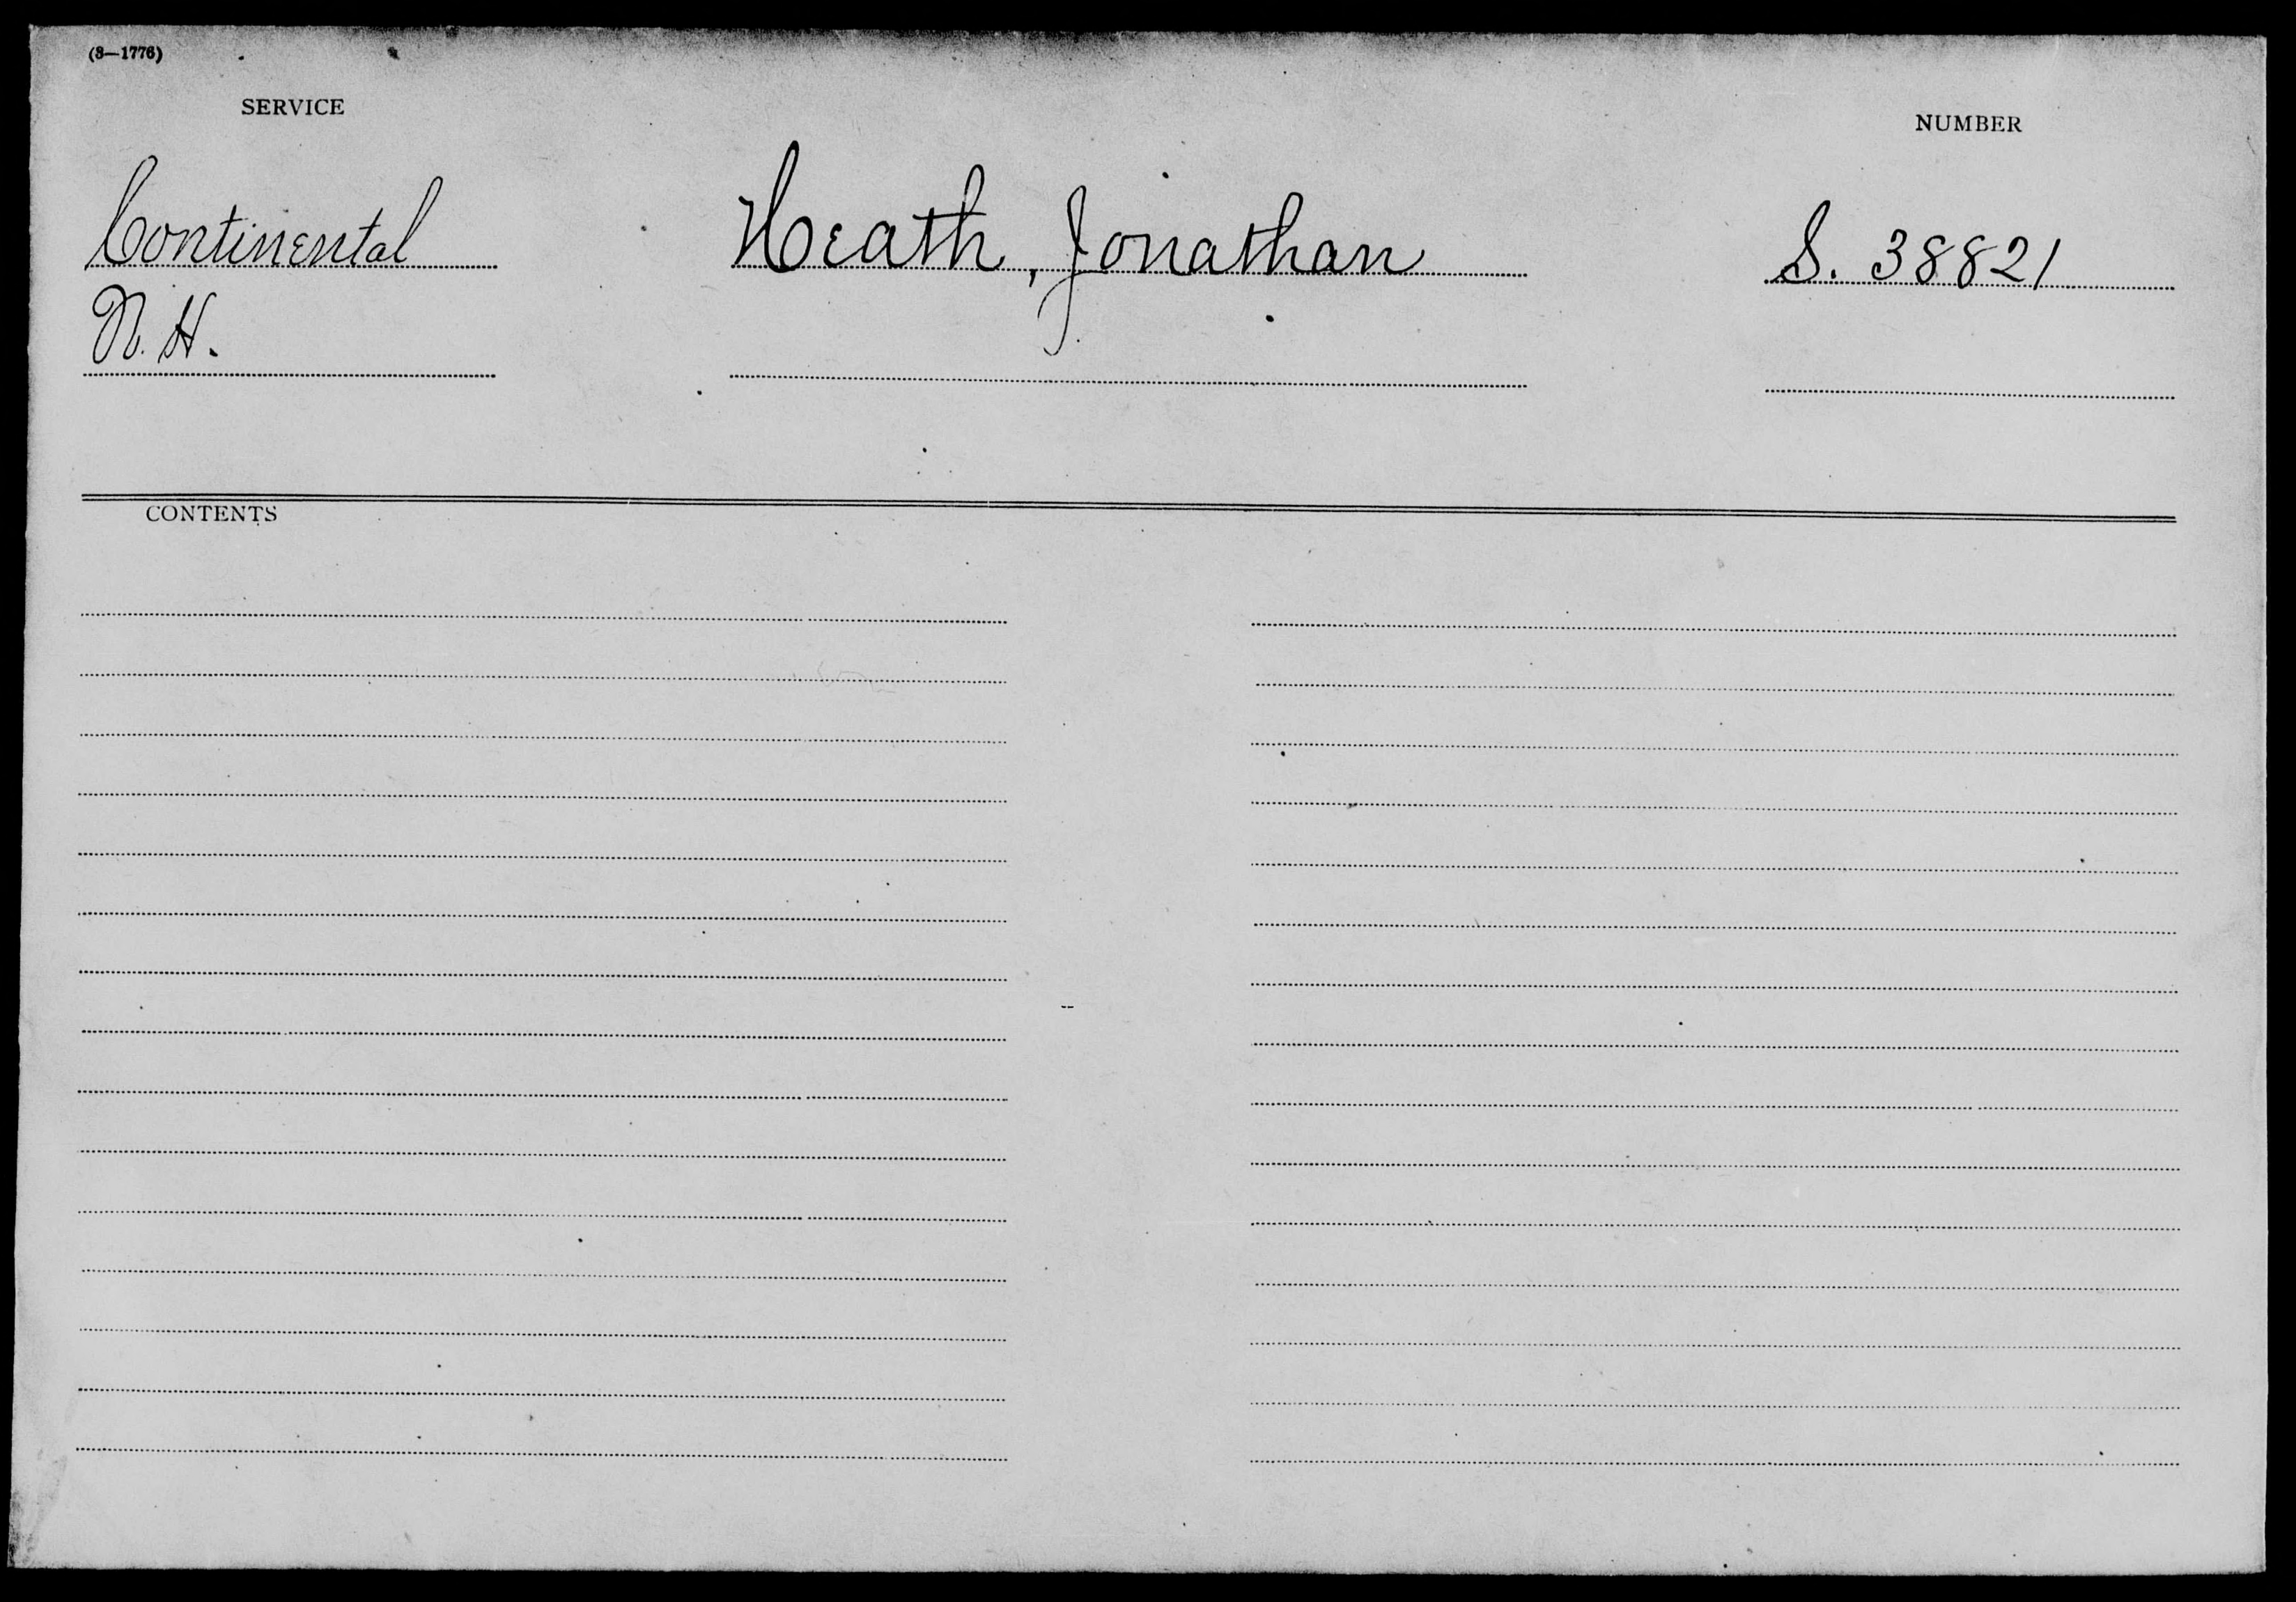Continental  N.H.  Heath, Jonathan S. 38821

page: 1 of 22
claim: survivor's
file: S. 38821, Jonathan Heath, Continental N.H.